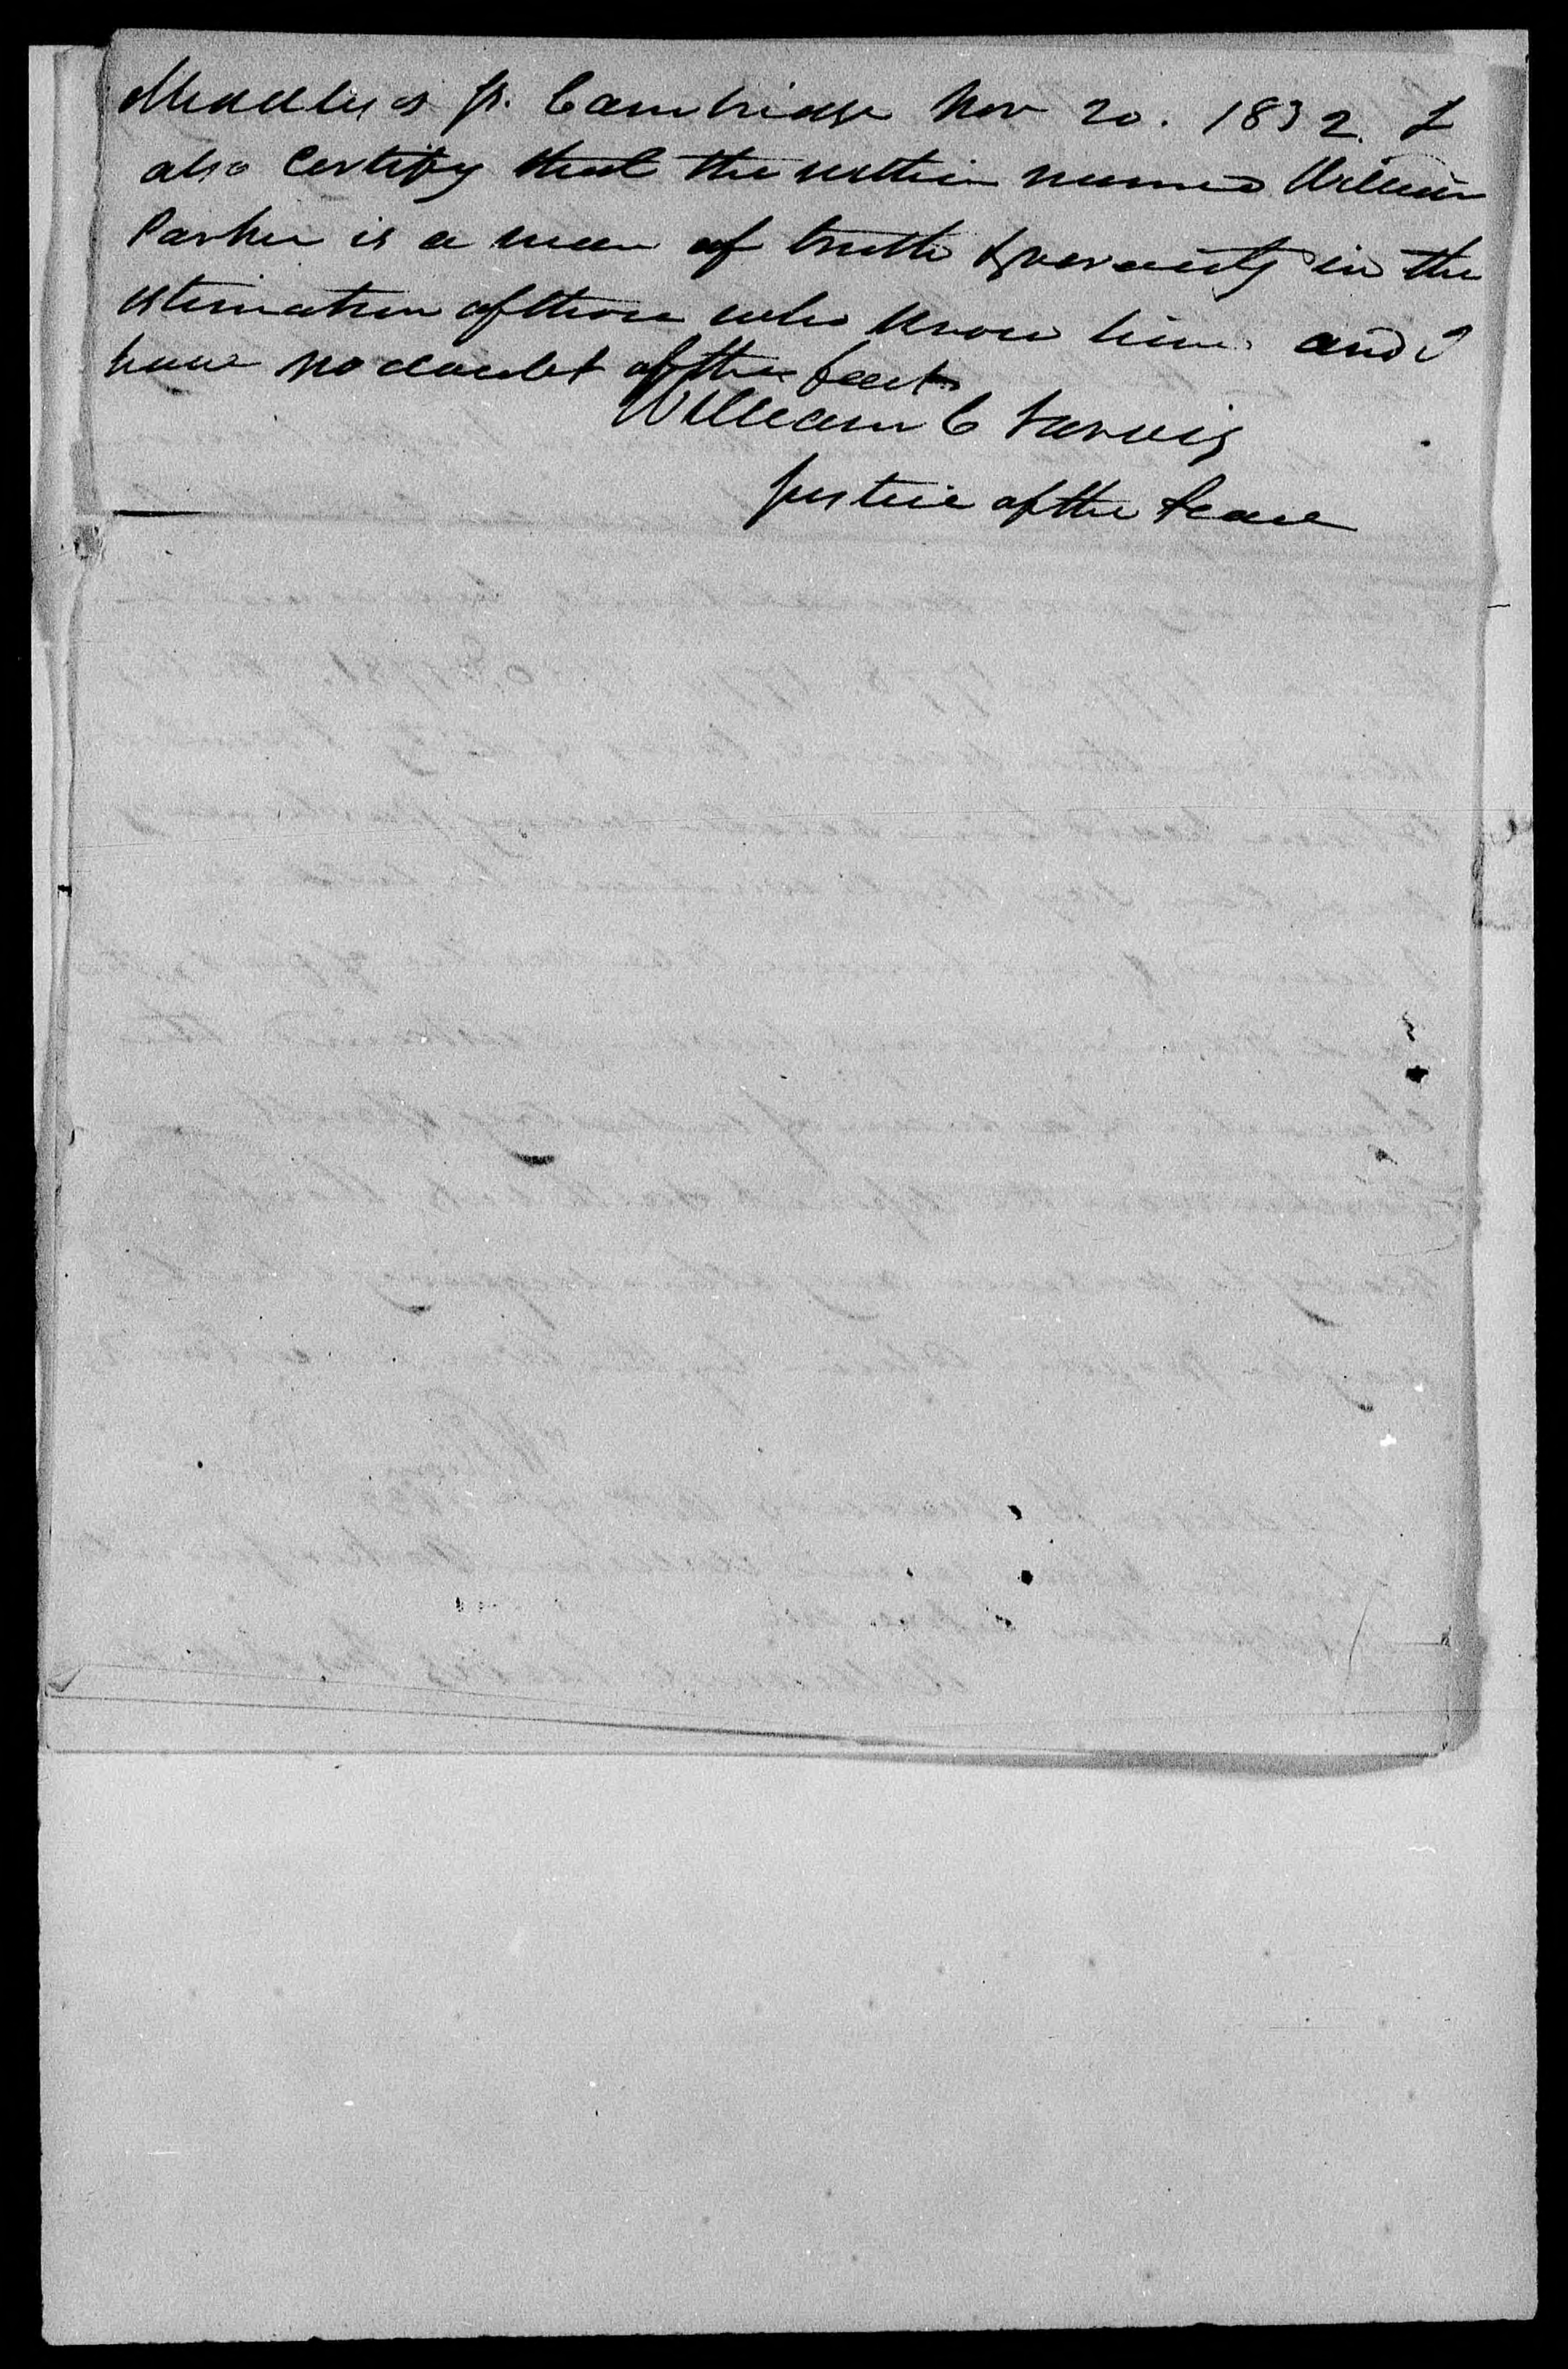Middlesex ss. Cambridge Nov 20 1832
I also certify that the within named William Parker is a man of truth & veracity in the estimation of those who know him and I have no doubt of this fact
William C Jarvis
Justice of the Peace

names: William C Jarvis, William Parker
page: 22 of 28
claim: survivor's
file: S. 17376, Joseph Damon, Continental Mass.